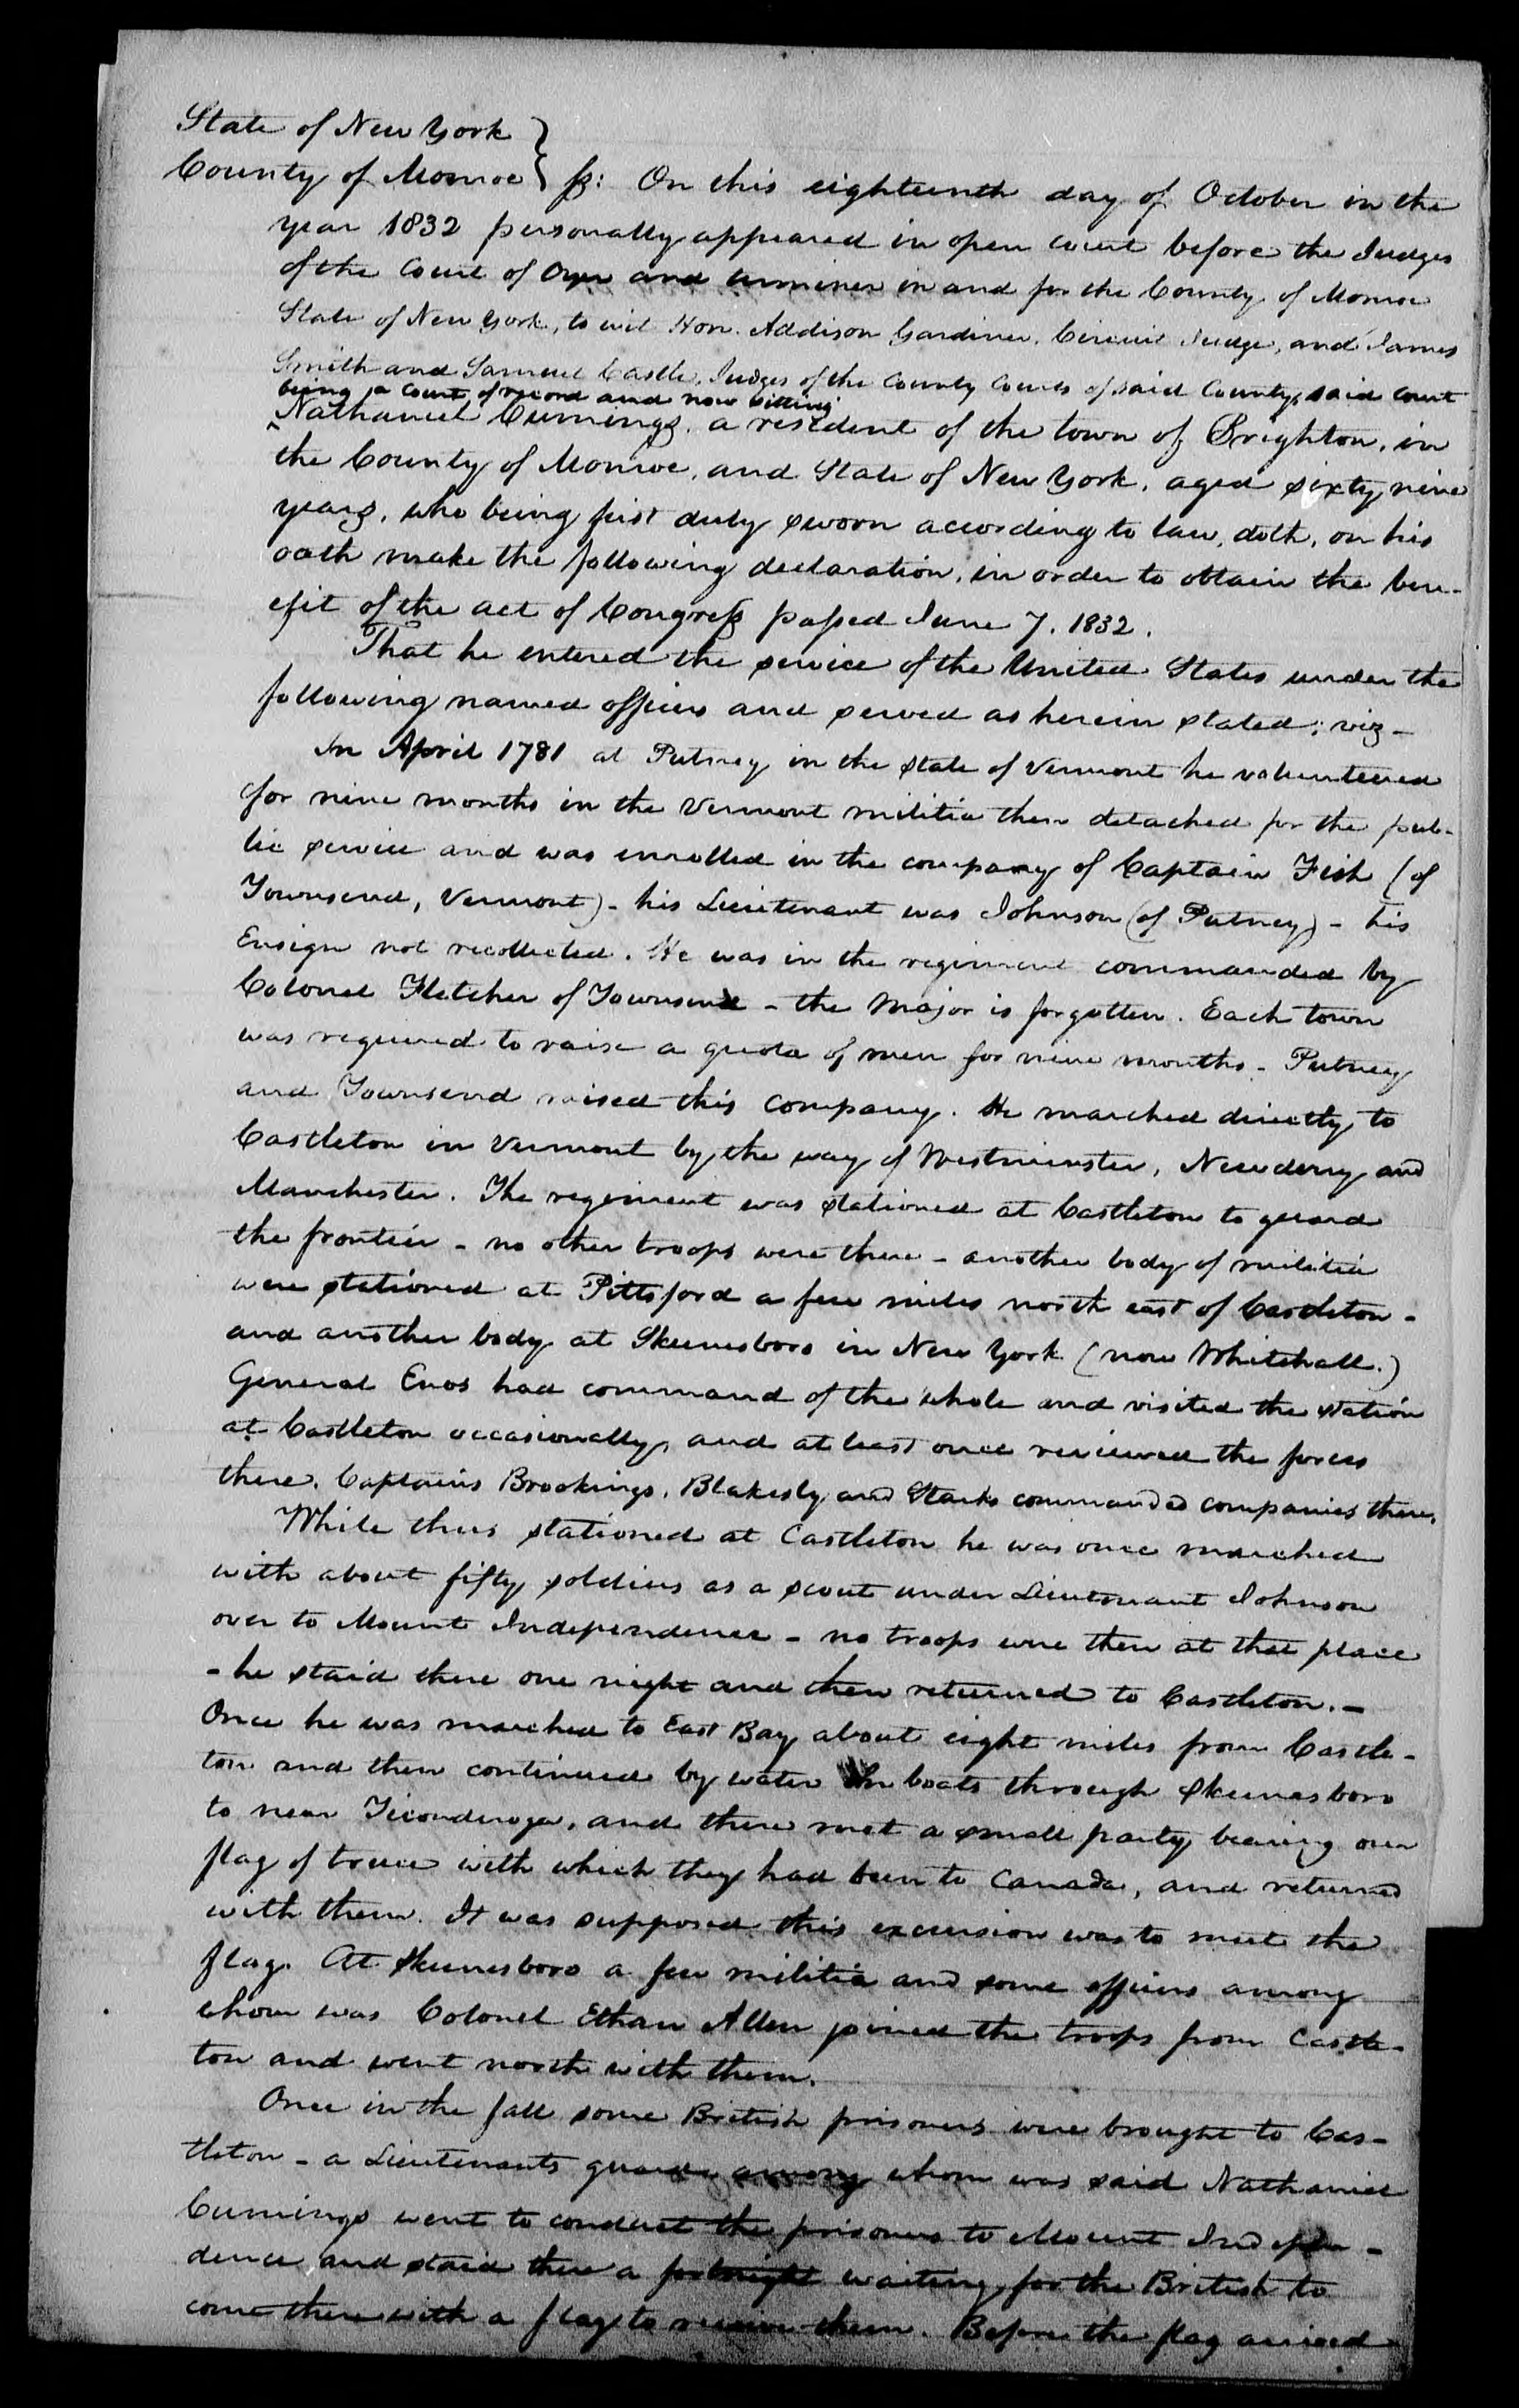State of New York
County of Monroe ⎬ ss: On this eighteenth day of October in the
year 1832 personally appeared in open court before the Judges
of the Court of Oyez and termines in and for the County of Monroe
State of New York, to wit Hon. Addison Gardiner, Circuit Judge, and James
Smith and Samuel Castle, Judges of the County Court of said County, said Court
being a Court of record and now sitting
Nathaniel Cummings, a resident of the town of Brighton, in
the County of Monroe and State of New York, aged sixty nine
years, who being first duly sworn according to law, doth, on his
oath make the following declaration, in order to obtain the benefit
of the act of Congress passed June 7. 1832

That he entered the service of the United States under the 
following named officers and served as herein stated: viz-

In April 1781 at Putney in the State of Vermont he volunteered
for nine months in the Vermont militia then detached for the public
service and was enrolled in the company of Captain Fish of
Townsend, Vermont - his Lieutenant was Johnson (of Putney), his
Ensign not recollected. He was in the regiment commanded by
Colonel Fletcher of Townsend, the major is forgotten. Each town
was required to raise a quota of men for nine months. Putney
and Townsend raised this company. He marched directly to
Castleton in Vermont by the way of Westminster, Newberry and
Manchester. The regiment was stationed at Castleton to guard
the frontier-- no other troops were there, - another body of militia
were stationed at Pittsford a few miles north east of Carleton
and another body at Skeensboro in New York (now Whitehall)
General Enos had command of the whole and visited the station
at Castleton occasionally, and at last one reviewed the forces
there. Captains Brookings, Blakesly and Stark commanded companies there

While thus stationed at Castleton, he was once marched
with about fifty soldiers as a scout under Lieutenant Johnson
over to Mount Independence-- no troops were then at that place
he staid there one night and then returned to Castleton.
once he was marched to East Bay about eight miles from Castleton
and then continued by water in boats through Skeensboro
to near Ticonderoga, and there met a small party bearing our
flag of truce with which they had been to Canada, and returned
with them. It was supposed this excursion was to meet the
flag. At Skeensboro a few militia and some officers among 
whom was Colonel Ethan Allen joined the troops from Castleton
and went north with them.

Once in the fall some British prisoners were brought to Castleton
a Lieutenants guard among whom was said Nathaniel
Cumings went to conduct the prisoners to Mount Independence
and staid there a fortnight waiting for the British to
come there with a flag to remove them before the flag arrived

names: Nathaniel Cumings, Johnson, Farwell Castle, Starks, Enos, Addison Gardiner, Fish, Fletcher, Johnson, James Smith, Blakesly, Brookings, Ethan Allen, Nathaniel Cumings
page: 5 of 41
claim: widow's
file: W. 9819, Nathaniel Cumings, Vt.